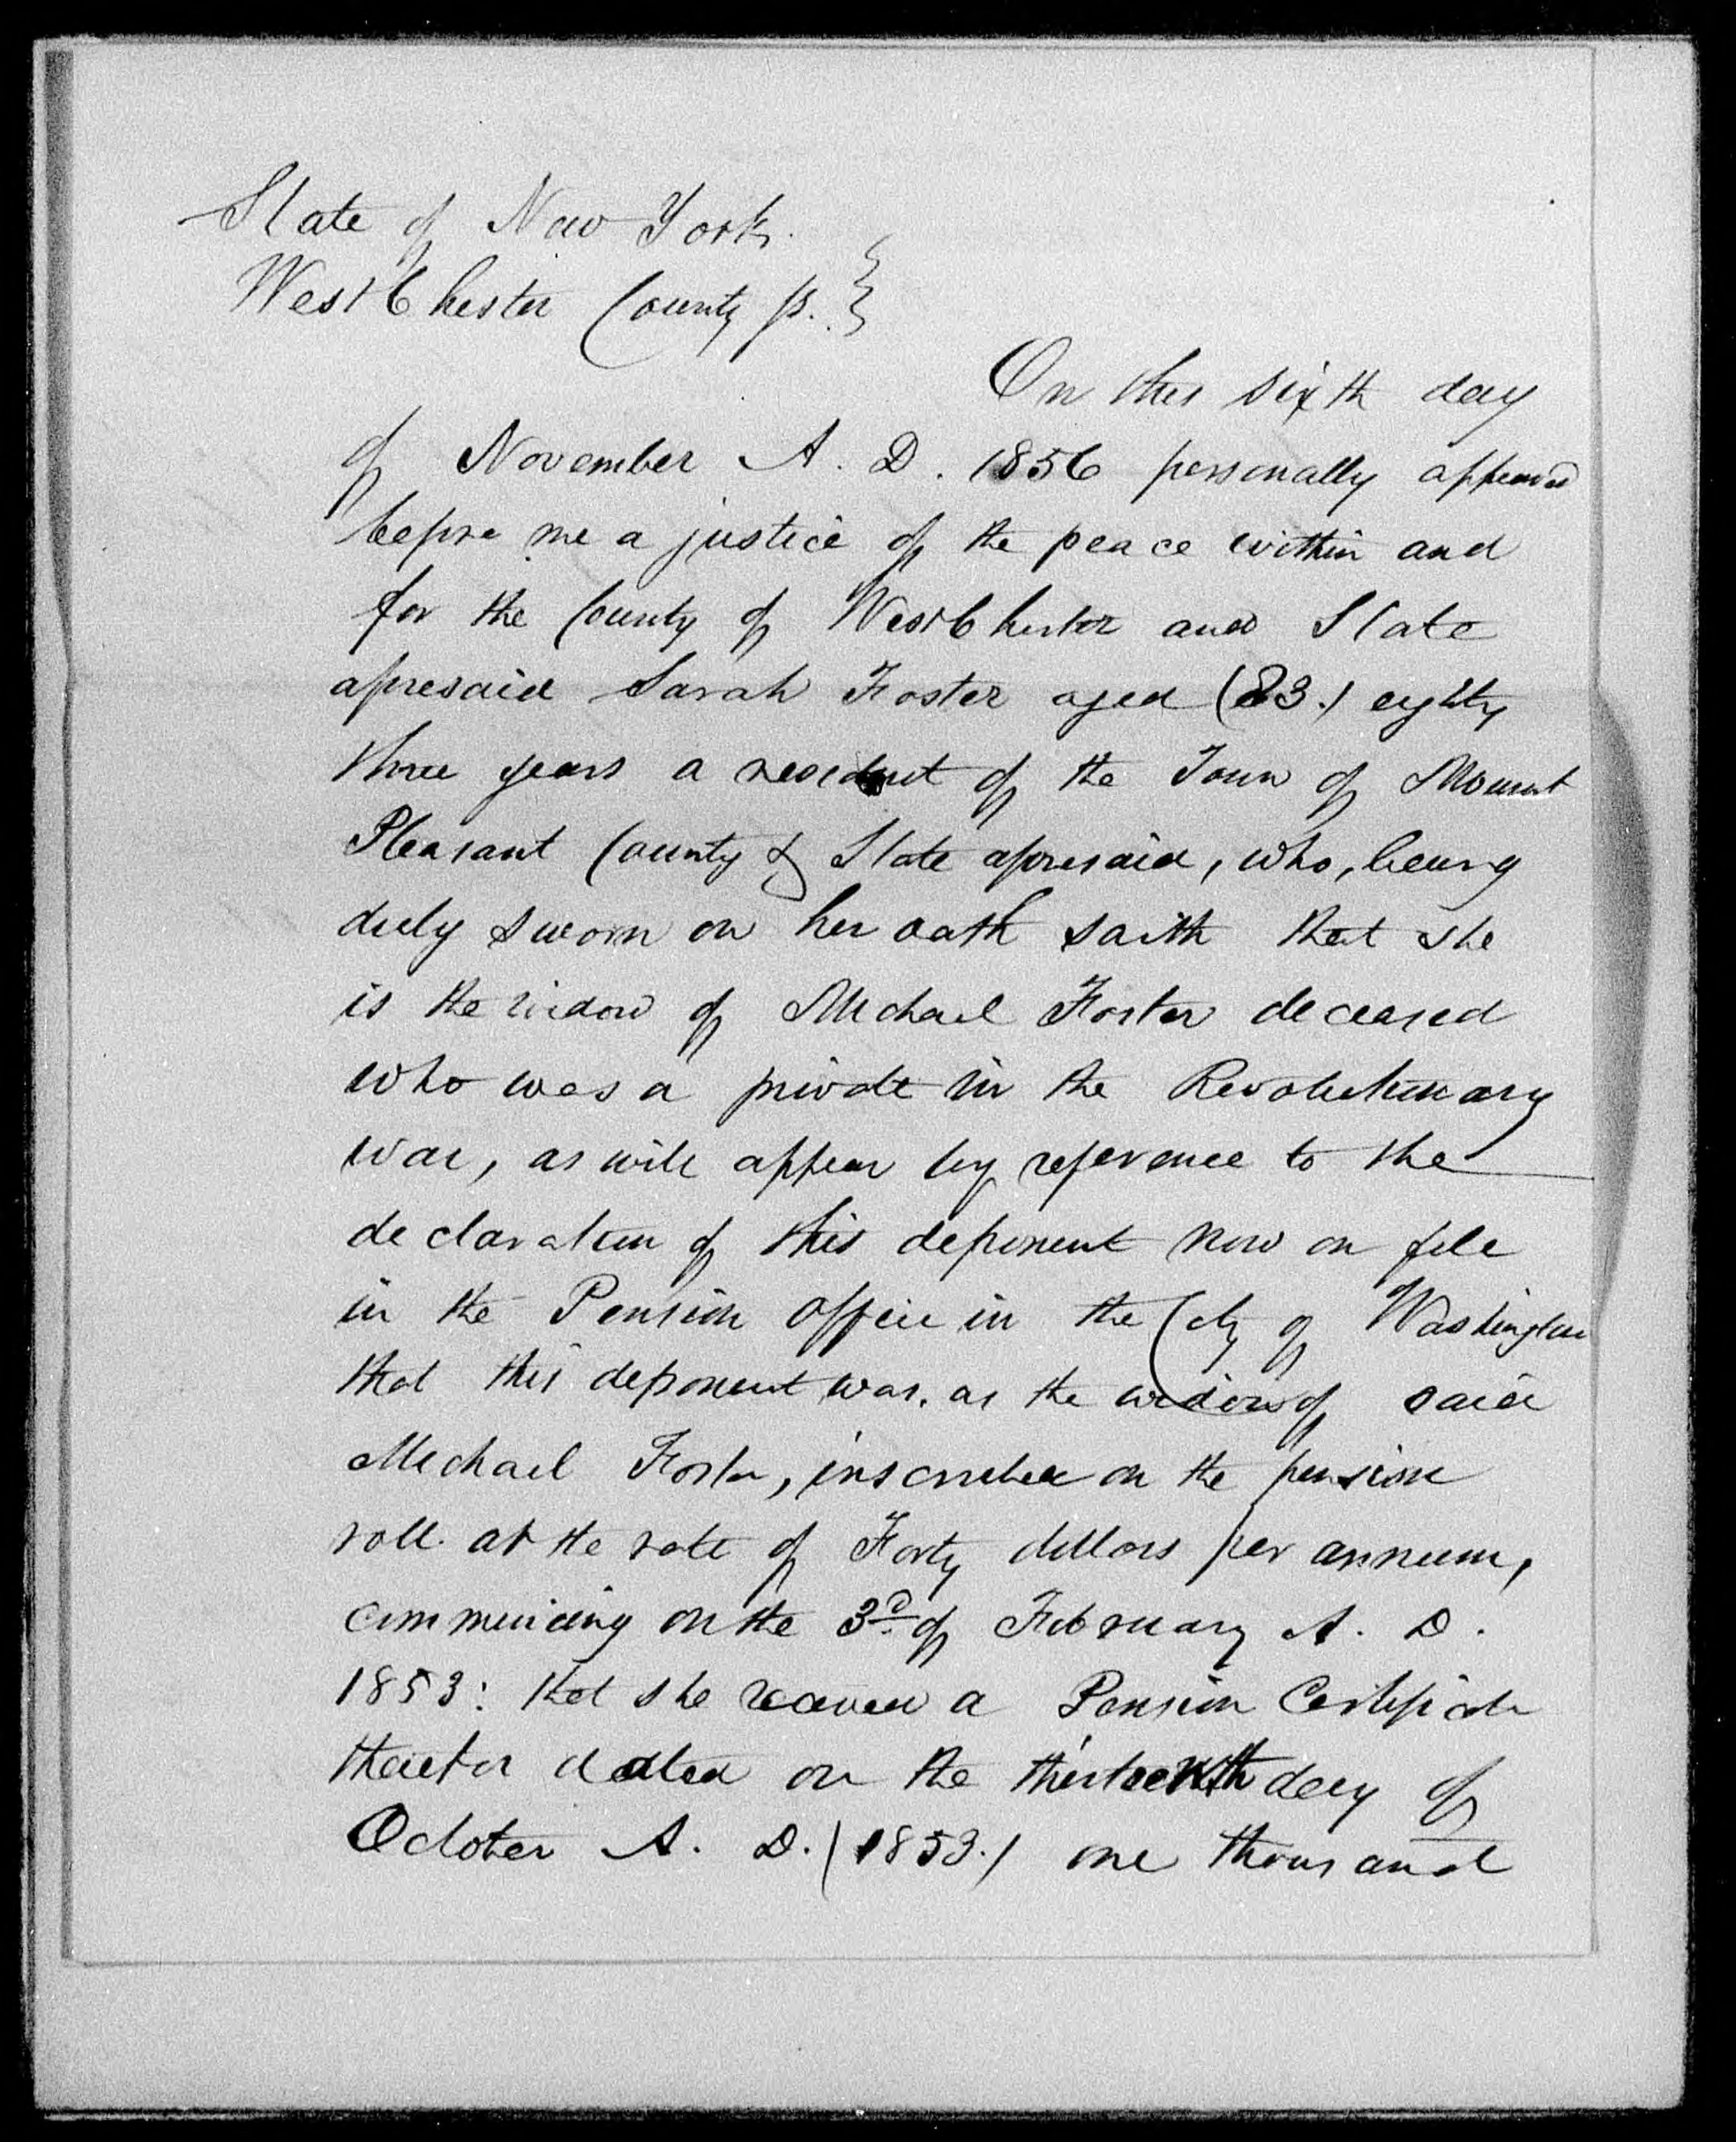State of New York
Westchester County SS

On this sixth day of November A. D. 1856 personally appended before me a justice of the peace within and for the County of Westchester and State aforesaid Sarah Foster aged (83) eighty three years a resident of the Town of Mount Pleasant County & State aforesaid, who, being duly sworn on her oath saith that she is the widow of Michael Foster deceased who was a private in the Revolutionary War, as will appear by reference to the declaration of this deponent now on file in the Pension Office in the City of Washington that this deponent was, as the widow of said Micheal Foster, inscribed on the pension roll at the rate of Forty dollars per annum, commencing on the 3d February A. D. 1853: that she received a Pension Certificate therefore dated on the thirteenth day of October A. D. (1853) one thousand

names: Sarah Foster, Michael Foster, Michael Foster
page: 51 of 57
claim: widow's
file: W. 5275 1/2, Michael Foster, Penn.